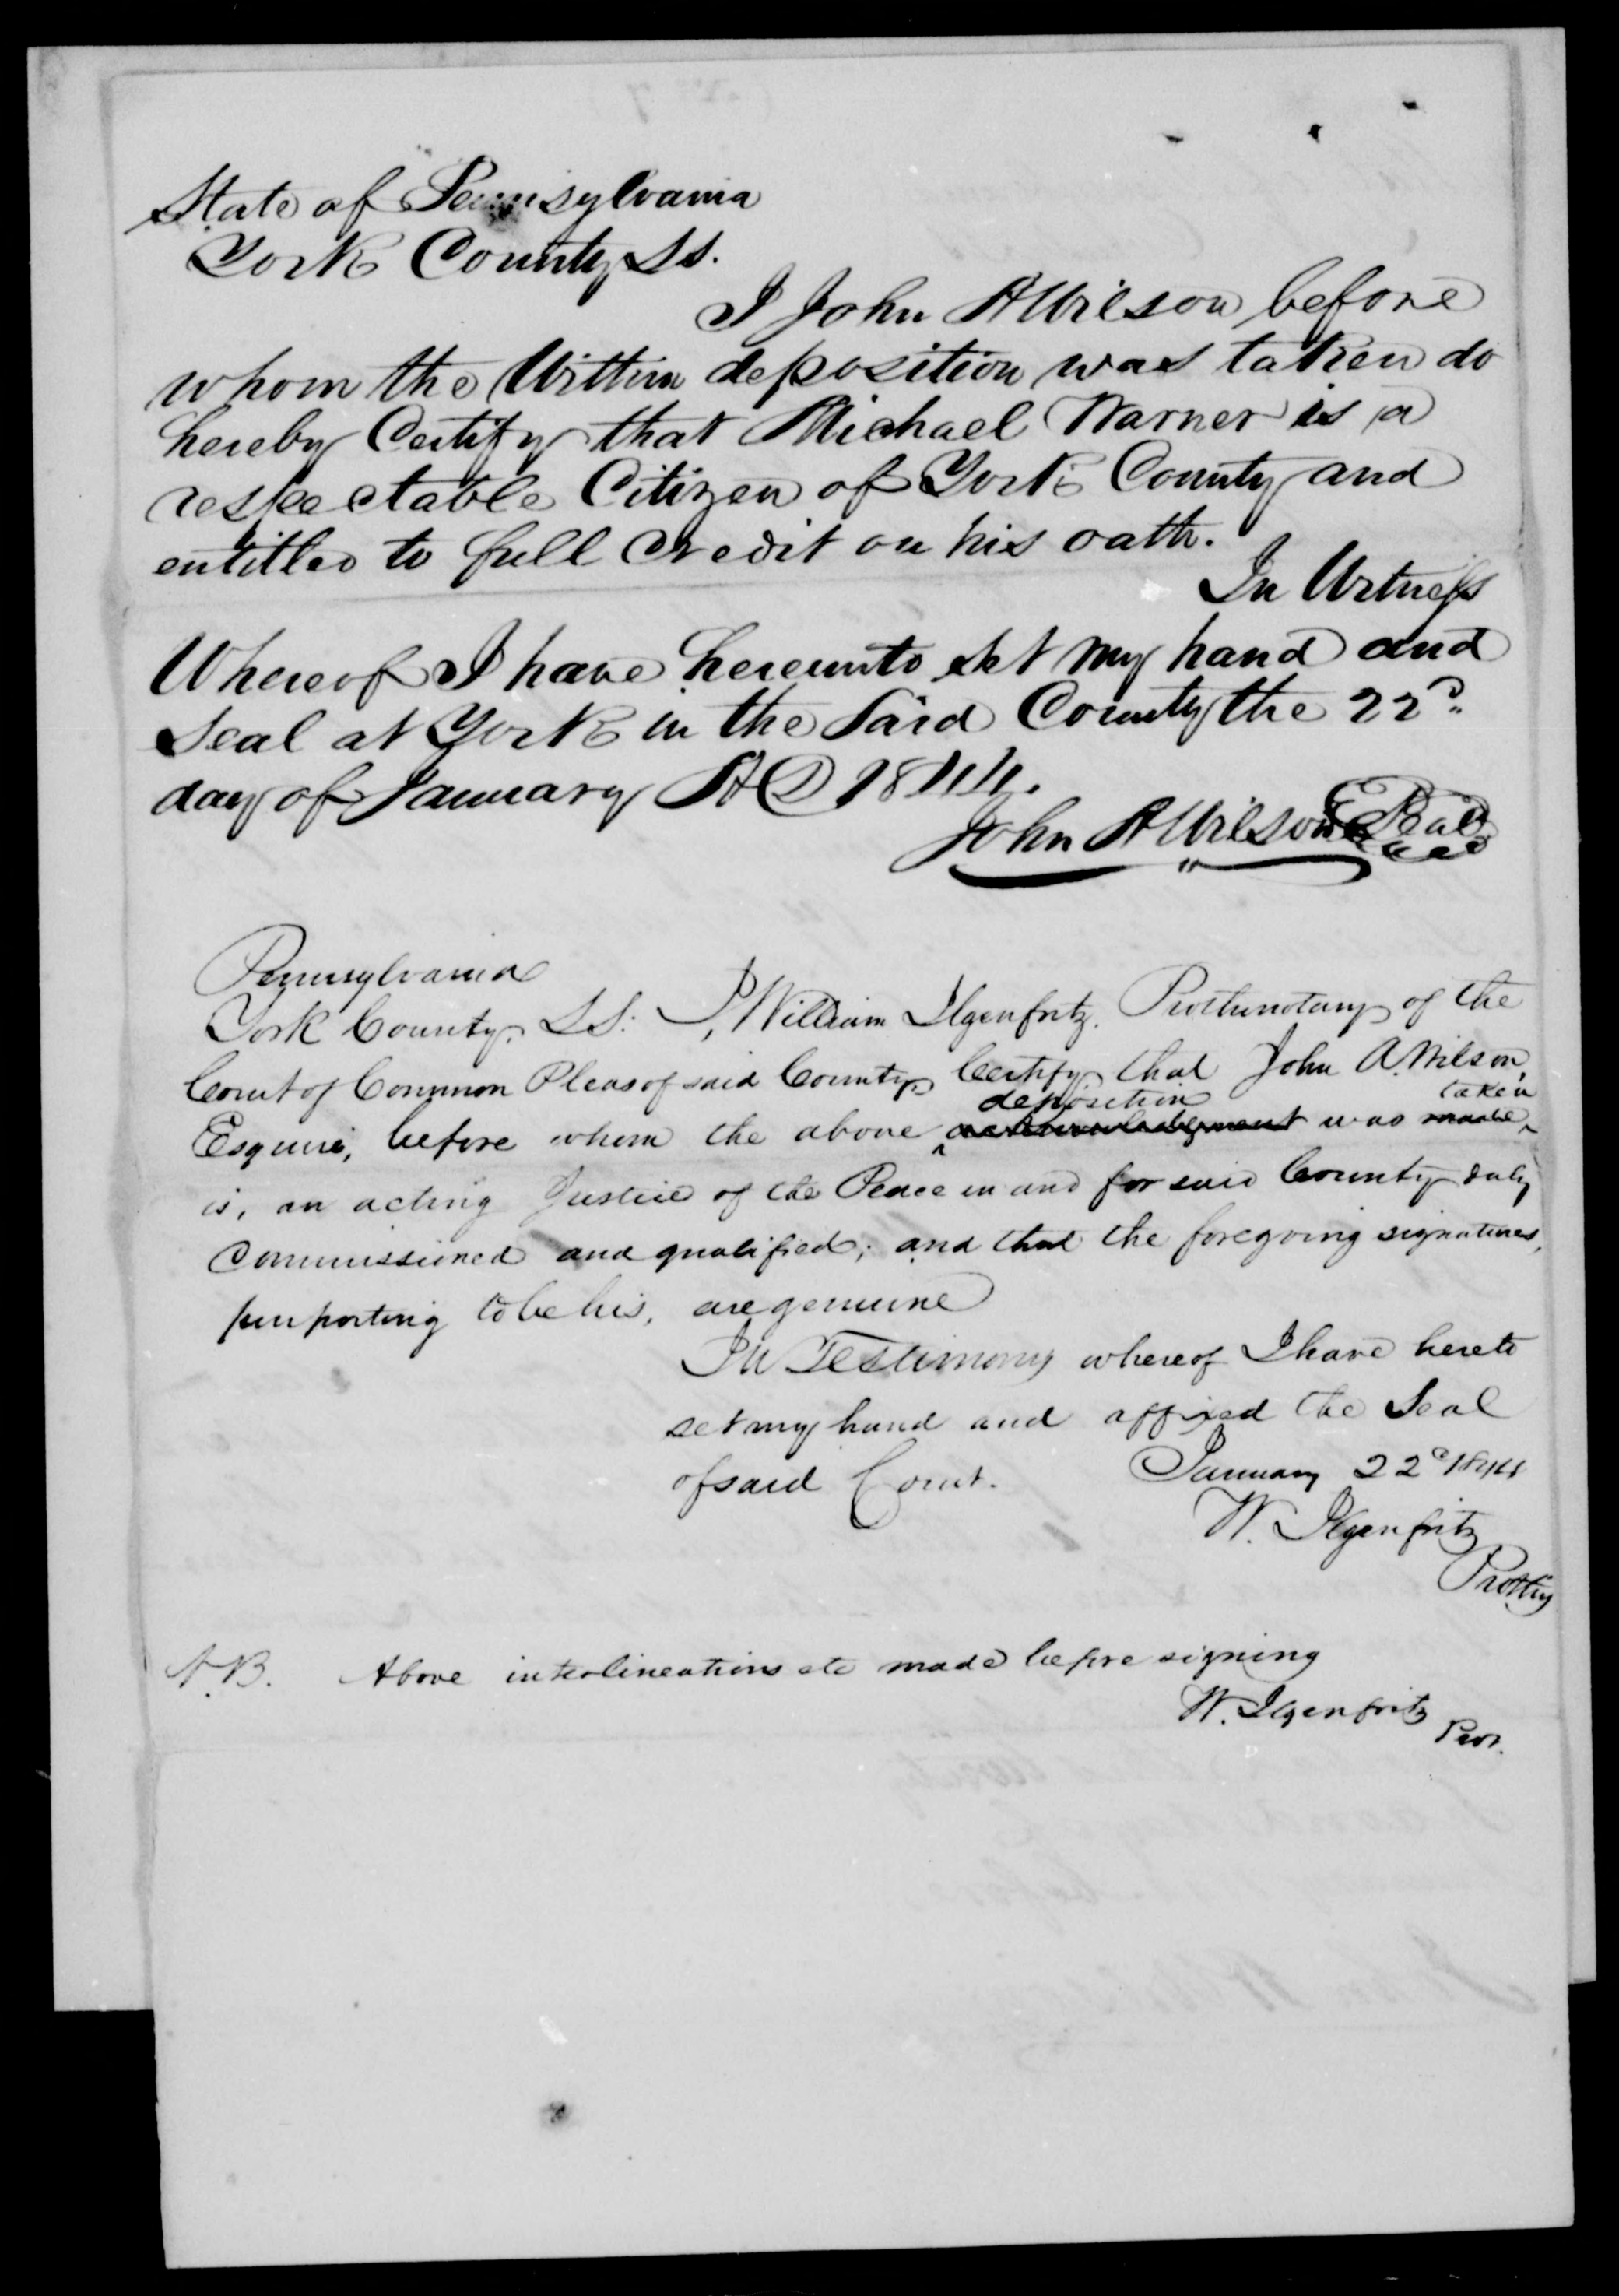State of Pennsylvania York County SS.
I John A Wilson before whom the within deposition
 was taken do hereby Certify that Michael Warner is a
respectable Citizen of York County and
entitled to full credit on his oath.
In Witness Whereof I have hereunto set my hand and
seal at York in the said County the 22d day of January AD 1844.   John Wilson {seal}

Pennsylvania York County, SS: 
I William Ilgenfritz, Prothonotary of the
Court of Common Pleas of said County Certify that John A. Wilson, Esquire before whom the above deposition was taken
is an acting Justice of the Peace in and for said County duly
commissioned and qualified, and that the foregoing signatures
purporting to be his are genuine.
In Testimony whereof I have hereto set my hand and affixed the Seal of said Court January 22d 1844
W. Ilgenfritz Prothy


N. B. Above interlineations etc. made before signing 
W. Ilgenfritz Proth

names: Michael Warner, John A Wilson, William Ilgenfretz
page: 61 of 68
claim: survivor's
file: S. 6,358, George Wentling, Penn.